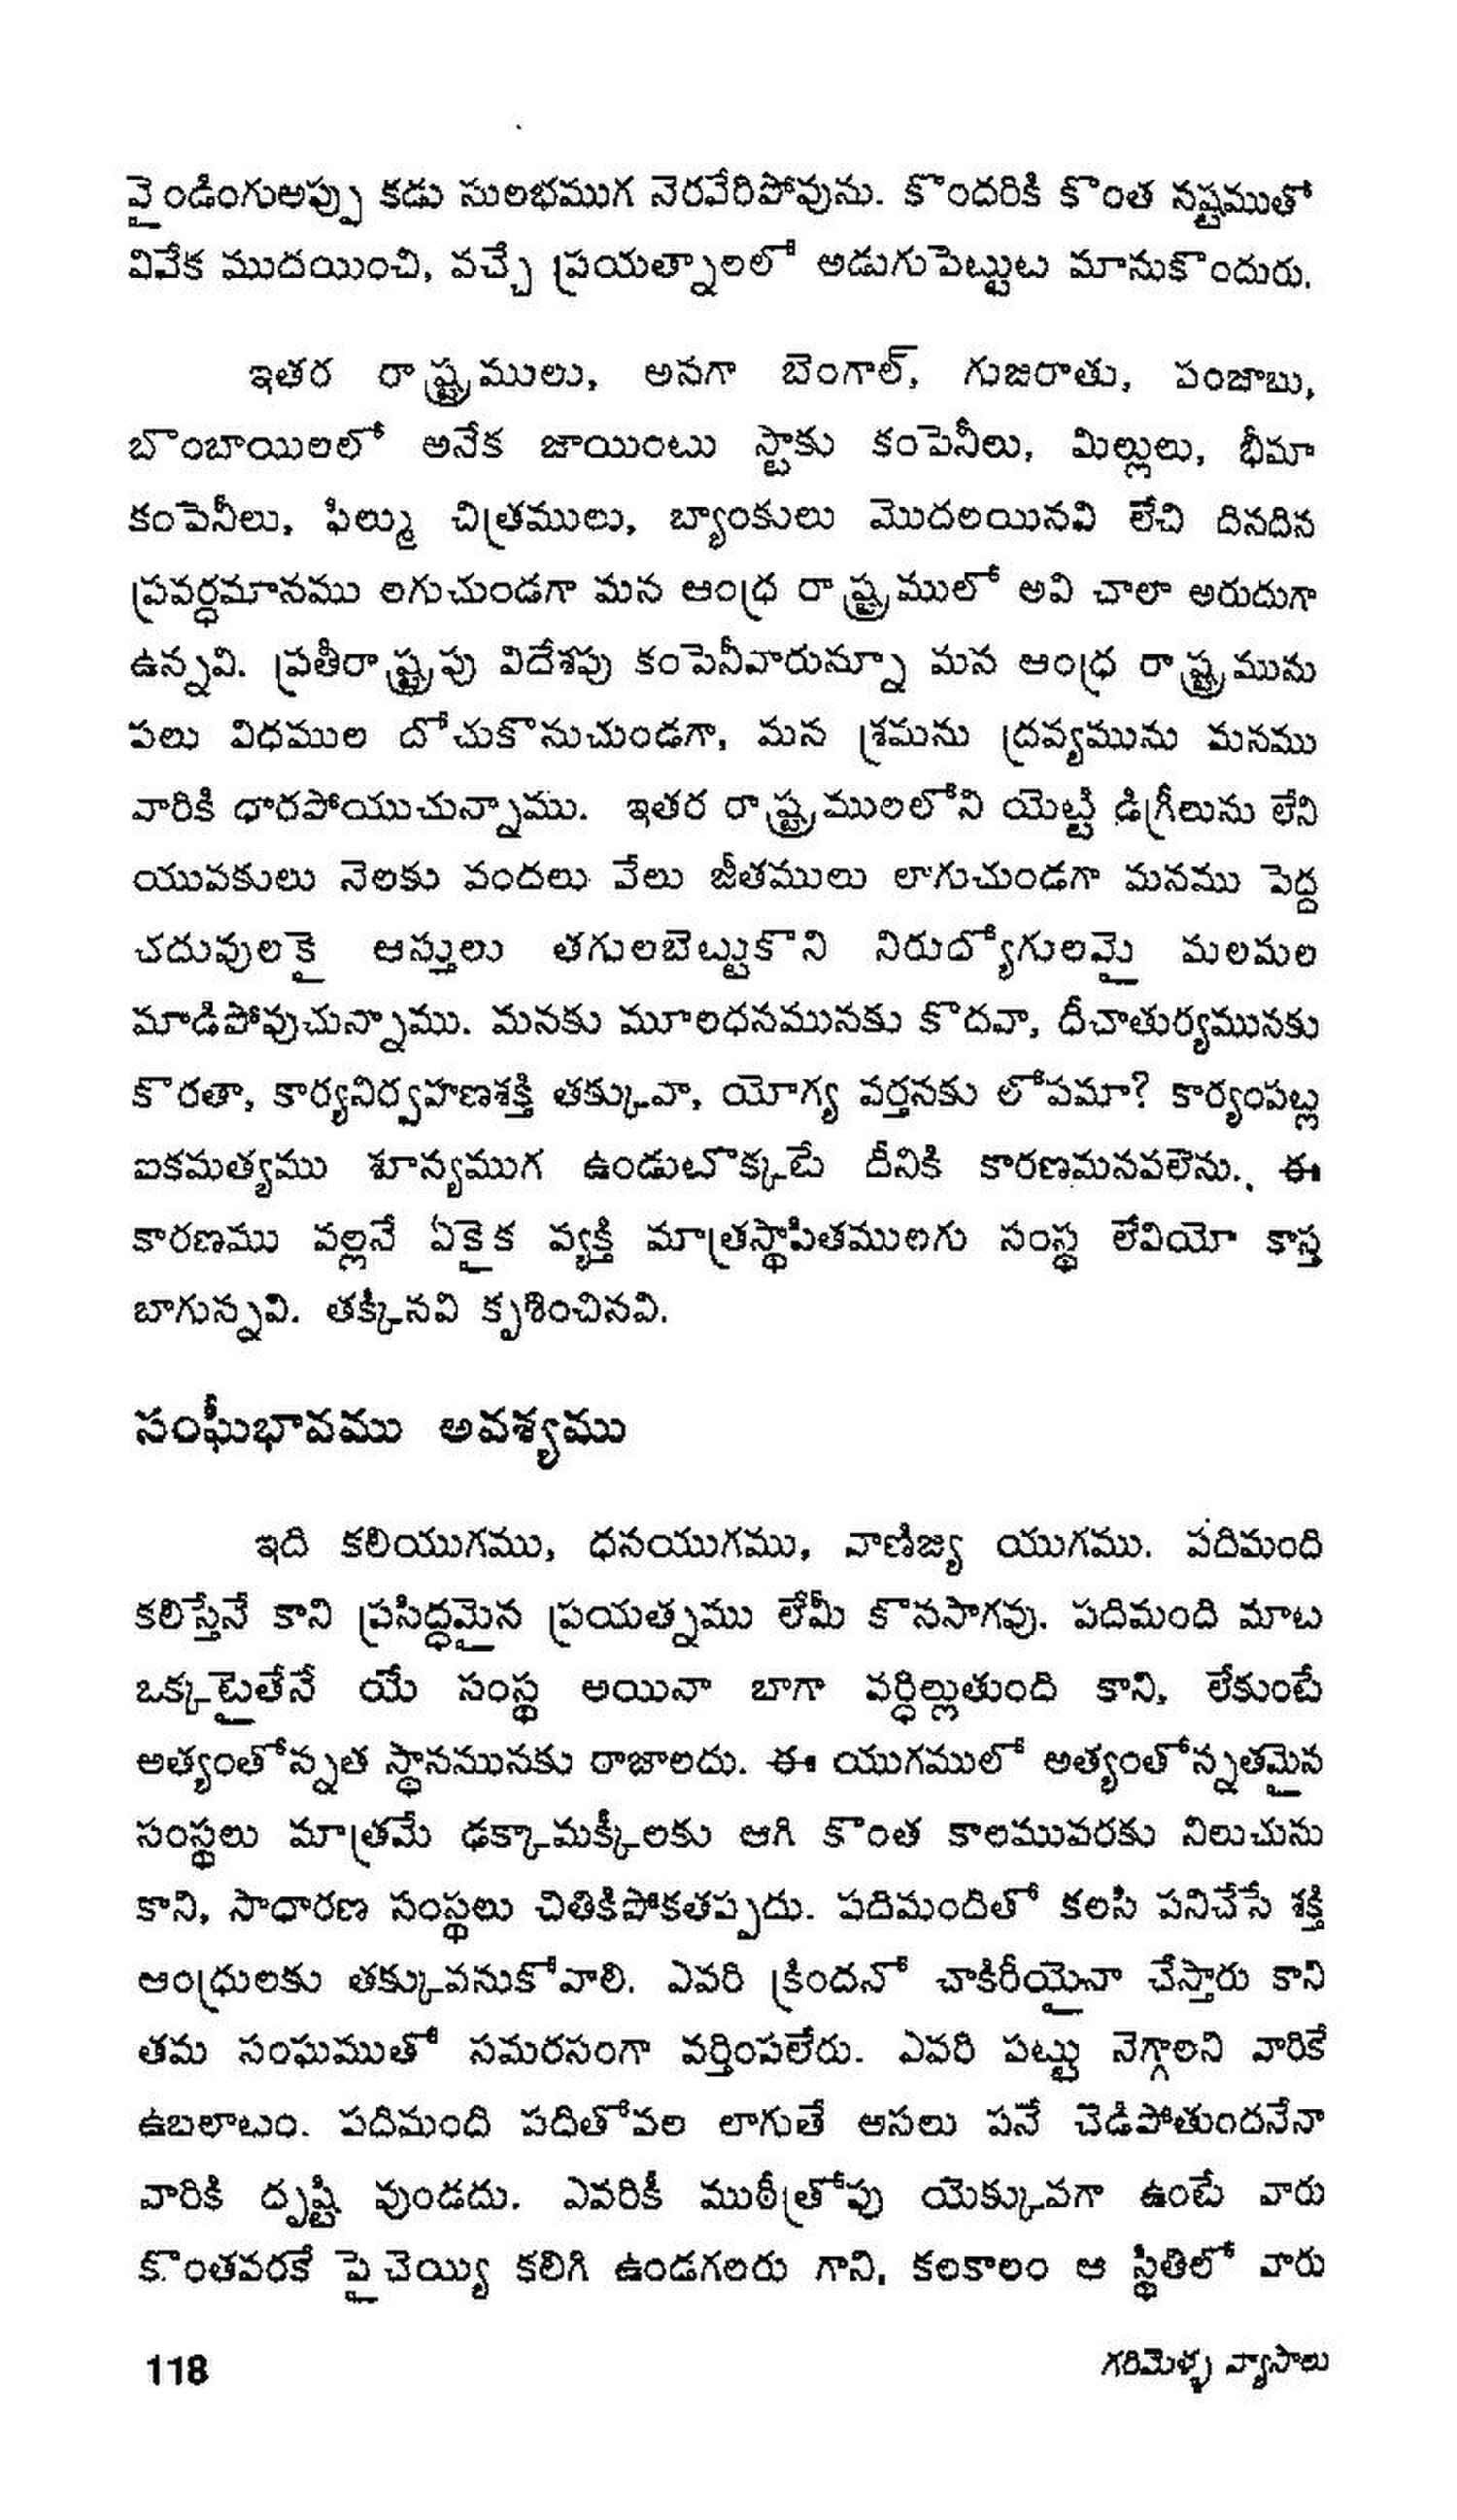వైండింగుఅప్పు కడు సులభముగ నెరవేరిపోవును. కొందరికి కొంత నష్టముతో వివేక ముదయించి, వచ్చే ప్రయత్నాలలో అడుగుపెట్టుట మానుకొందురు.

ఇతర రాష్ట్రములు, అనగా బెంగాల్, గుజరాతు, పంజాబు, బొంబాయిలలో అనేక జాయింటు స్టాకు కంపనీలు, మిల్లులు, భీమా కంపెనీలు, ఫిల్ము చిత్రములు, బ్యాంకులు మొదలయినవి లేచి దీనదిన ప్రవర్ధమానము లగుచుండగా మన ఆంధ్ర రాష్ట్రములో అవి చాలా అరుదుగా ఉన్నవి. ప్రతీరాష్ట్రపు విదేశపు కంపెనీవారున్నూ మన ఆంధ్ర రాష్ట్రమును పలు విధముల దోచుకొనుచుండగా, మన శ్రమను ద్రవ్యమును మనము వారికి ధారపోయుచున్నాము. ఇతర రాష్ట్రములలోని యెట్టి డిగ్రీలును లేని యువకులు నెలకు వందలు వేలు జీతములు లాగుచుండగా మనము పెద్ద చదువులకై ఆస్తులు తగులబెట్టుకొని నిరుద్యోగులమై మలమల మాడిపోవుచున్నాము. మనకు మూలధనమునకు కొదవా, ధీచాతుర్యమునకు కొరతా, కార్యనిర్వహణశక్తి తక్కువా, యోగ్య వర్తనకు లోపమా? కార్యంపట్ల ఐకమత్యము శూన్యముగ ఉండుటొక్కటే దీనికి కారణమనవలెను. ఈ కారణము వల్లనే ఏకైక వ్యక్తి మాత్రస్థాపితములగు సంస్థ లేవియో కాస్త బాగున్నవి. తక్కినవి కృశించినవి.

సంఘీభావము అవశ్యకము
 
ఇది కలియుగము, ధనయుగము, వాణిజ్య యుగము. పదిమంది కలిస్తేనే కాని ప్రసిద్ధమైన ప్రయత్నము లేమీ కొనసాగవు. పదిమంది మాట ఒక్కటైతేనే యే సంస్థ అయినా బాగా వర్ధిల్లుతుంది కాని, లేకుంటే అత్యంతోన్నత స్థానమునకు రాజాలదు. ఈ యుగములో అత్యంతోన్నతమైన సంస్థలు మాత్రమే ఢకామక్కీలకు ఆగి కొంత కాలమువరకు నిలుచును కాని, సాధారణ సంస్థలు చితికిపోకతప్పదు. పదిమందితో కలిసి పనిచేసే శక్తి ఆంధ్రులకు తక్కువనుకోవాలి. ఎవరి క్రిందనో చాకిరీయైనా చేస్తారు కాని తమ సంఘముతో సమరసంగా వర్తింపలేరు. ఎవరి పట్టు నెగ్గాలని వారికే ఉబలాటం. పదిమంది పదితోవల లాగుతే అసలు పనే చెడిపోతుందనేనా వారికి దృష్టి వుండదు. ఎవరికీ ముఠీత్రోపు యెక్కువగా ఉంటే వారు కొంతవరకే పై చెయ్యి కలిగి ఉండగలరు గాని, కలకాలం ఆ స్థితిలో వారు